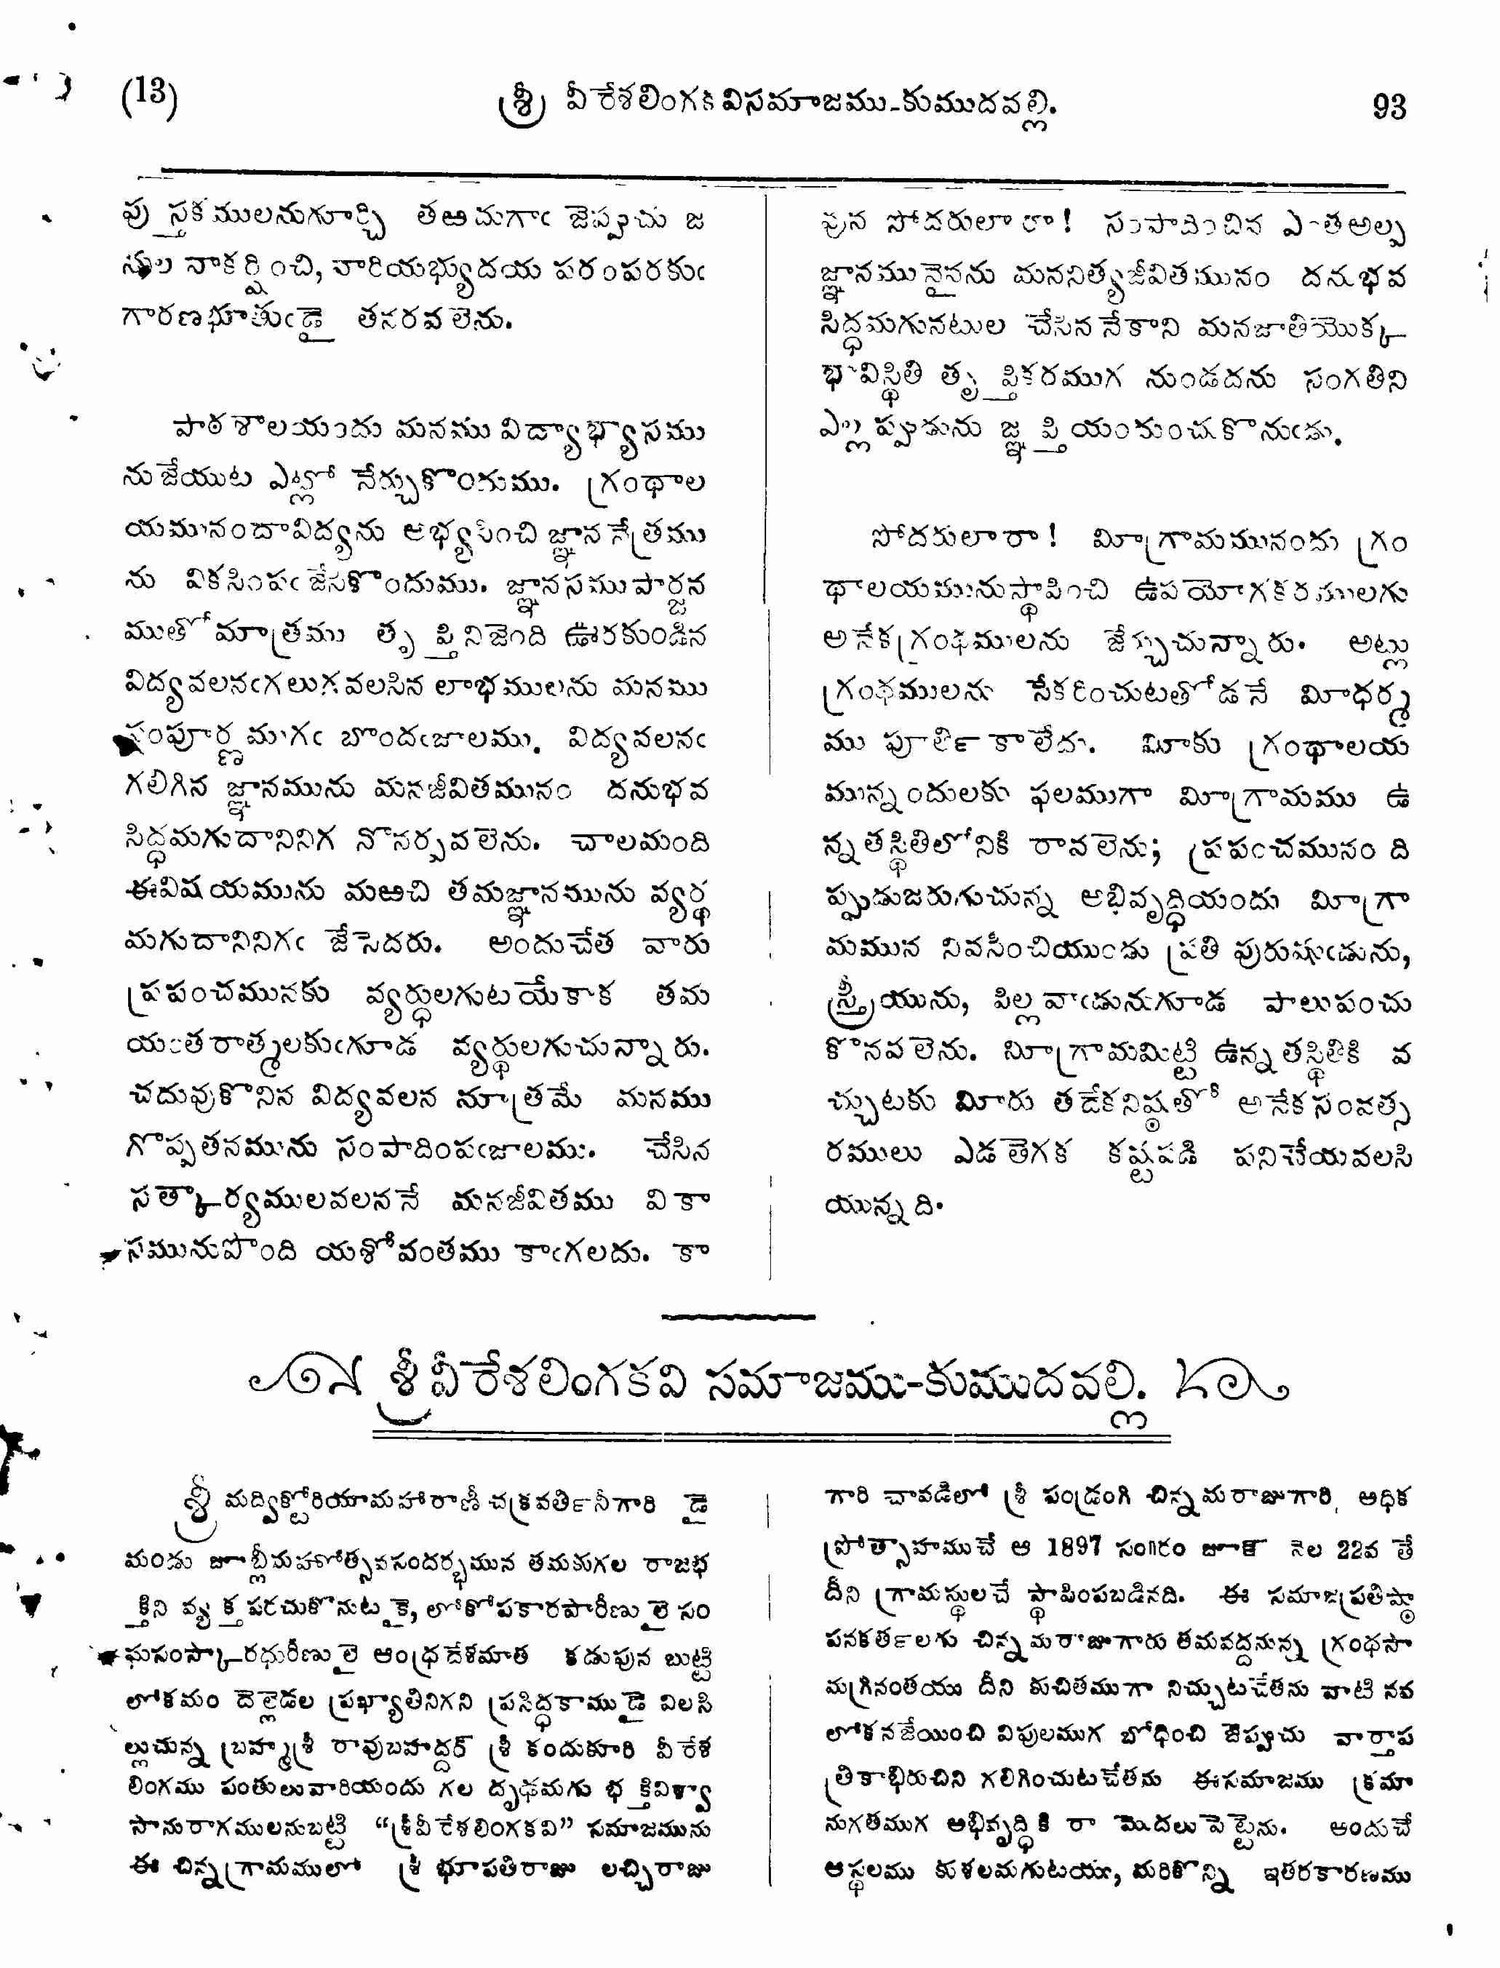పాఠశాలయందు మనము విద్యాభ్యాసమునుజేయుట ఎట్లో నేర్చుకొందుము. గ్రంథాలయమ’నందావిద్యను అభ్యసించి జ్ఞాన నేత్రమును వికసింపఁజేసికొందుము. జ్ఞానసముపార్జనముతో మాత్రము తృప్తినిజెంది ఊరకుండిన
విద్య వలనఁగలుగ వలసిన లాభములను మనము
సంపూర్ణమగఁ బొందఁజాలము. విద్యవలనఁ
గలిగిన జ్ఞానమును మనజీవితమునం దనుభవ
సిద్దమగుదానినిగ నొనర్పవలెను. చాలమంది
ఈవిషయమును మఱచి తమజ్ఞానమును వ్యర్థ
మగుదానినిగఁ జేసెదరు. అందుచేత వారు
ప్రపంచమునకు వ్యర్ధులగుటయేకాక తమ
యంతరాత్మలకుఁగూడ వ్యర్థులగుచున్నారు.
చదువుకొనిన విద్యవలన మాత్రమే మనము
గొప్పతనమును సంపాదింపఁజాలము. చేసిన సత్కార్యములవలననే మన జీవితము వికాసమునుపొంది యశోవంతము కాఁగలదు. కావున సోదరులారా! సంపాదించిన ఎంత అల్పజ్ఞానమునైనను మన నిత్యజీవితమునందనుభవ
సిద్ధమగునటుల చేసిననేకాని మనజాతియొక్క
భావిస్థితి తృప్తికరముగ నుండదను సంగతిని
ఎల్లప్పుడును జ్ఞప్తియుందుంచుకొనుఁడు.

సోదరులారా! మీ గ్రామమునందు గ్రంథాలయమును స్థాపించి ఉపయోగకరములగు
అనేక గ్రంథములను జేర్చుచున్నారు. అట్లు
గ్రంథములను సేకరించుటతోడనే మీధర్మము పూర్తికా కాలేదు. మీకు గ్రంథాలయ
మున్నందులకు ఫలముగా గ్రామము ఉన్నతస్థితిలోనికి రావలెను; ప్రపంచమునందిప్పుడు జరుగుచున్న అభివృద్ధియందు గ్రామమున నివసించియుండు ప్రతి పురుషుఁడును,
స్త్రీయును, పిల్లవాడునుగూడ పాలుపంచుకొనవలెను. మీగ్రామమిట్టి ఉన్నతస్థితికి వచ్చుటకు మీరు తదేకనిష్ఠతో అనేక సంవత్సరములు ఎడతెగక కష్టపడి పనిచేయవలసియున్నది.

శ్రీమద్విక్టోరియామహారాణీ చక్రవతి౯నీ గారి డైమండు జూబ్లీ మహోత్సవ సందర్భమున తమకుగల రాజభక్తిని వ్యక్త పరచుకొనుటకై, లోకోపకారపారీణులై సంఘసంస్కారధురీణులై ఆంధ్రదేశమాత కడుపున బుట్టిలోకమందెల్లెడల ప్రఖ్యాతినిగని ప్రసిద్ధకాముడై విలసిల్లుచున్న బ్రహ్మశ్రీ రావుబహద్దర్ శ్రీ కందుకూరి వీరేశలింగము పంతులువారియందు గల దృఢమగు భక్తివిశ్వాసానురాగములనుబట్టి "శ్రీ వీరేశలింగకవి" సమాజమును ఈ చిన్న గ్రామములో శ్రీ భూపతి రాజు లచ్చిరాజుగారి చావడిలో శ్రీ పండ్రంగి చిన్నమరాజుగారి అధిక ప్రోత్సాహముచే ఆ 1897 సం౹౹రం జూన్ నెల 22వ తేదీని గ్రామస్థులచే స్థాపింపబడినది. ఈ సమాజప్రతిష్ఠాపనకత౯లగు చిన్నమరాజు గారు తమవద్దనున్న గ్రంధసామగ్రినంతయు దీనికుచితముగా నిచ్చుటచేతను వాటినవలోకన జేయించి విపులముగ బోధించి జెప్పుచు వార్తాపత్రికాభిరుచిని గలిగించుటచేతను ఈ సమాజము క్రమానుగతముగ అభివృద్ధికి రా మొదలు పెట్టెను. అందుచే ఆస్థలము కుశలమగుటయు, మరికొన్ని ఇతర కారణము